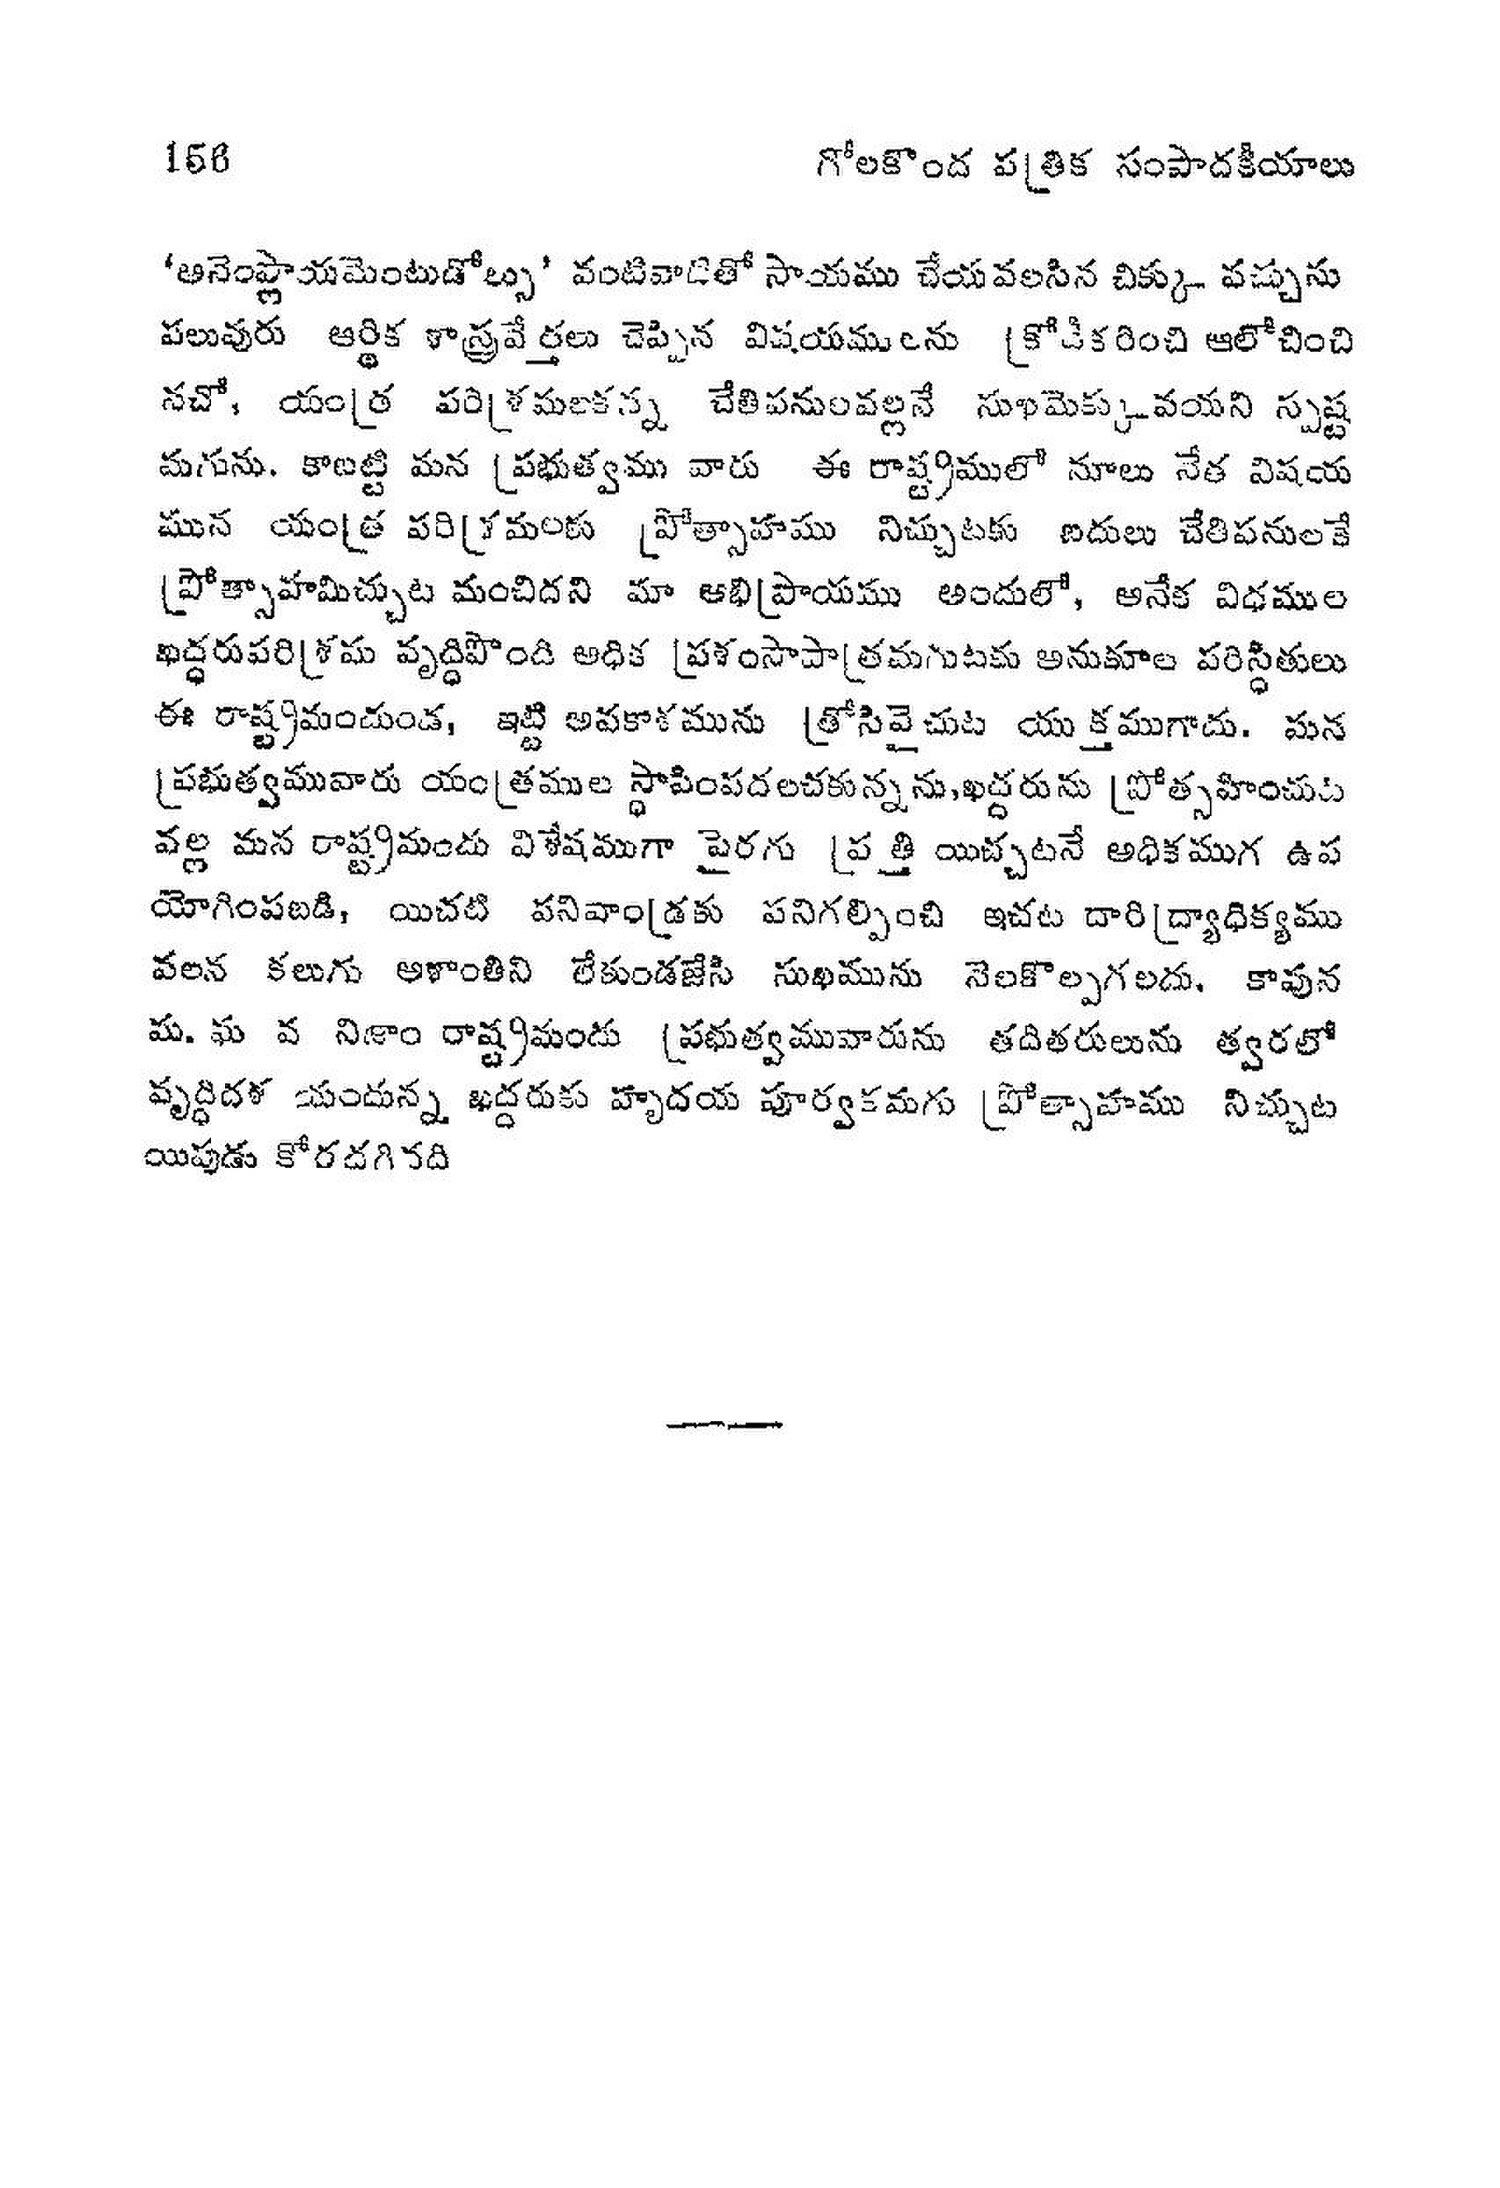అనెంప్లాయమెంటుడోట్సు' వంటివాటితో సాయము చేయవలసిన చిక్కు వచ్చును పలువురు ఆర్థిక శాస్త్రవేత్తలు చెప్పిన విషయములను క్రోడీకరించి ఆలోచించినచో, యంత్ర పరిశ్రమలకన్న చేతిపనులవల్లనే సుఖమెక్కువయని స్పష్టమగును. కాబట్టి మన ప్రభుత్వము వారు ఈ రాష్ట్రములో నూలు నేత విషయమున యంత్ర పరిశ్రమలకు ప్రోత్సాహము నిచ్చుటకు బదులు చేతిపనులకే ప్రోత్సాహమిచ్చుట మంచిదని మా అభిప్రాయము అందులో, అనేక విధముల ఖద్దరు పరిశ్రమ వృద్ధిపొంది అధిక ప్రశంసాపాత్రమగుటకు అనుకూల పరిస్థితులు ఈ రాష్ట్రమందుండ, ఇట్టి అవకాశమును త్రోసివైచుట యుక్తముగాదు. మన ప్రభుత్వమువారు యంత్రముల స్థాపింపదలచుకున్నను, ఖద్దరును ప్రోత్సహించుట వల్ల మన రాష్ట్రమందు విశేషముగా పైరుగు ప్రత్తి యిచ్చటనే అధికముగ ఉపయోగింపబడి, యిచటి పనివాండ్రకు పనిగల్పించి ఇచట దారిద్ర్యాధిక్యము వలన కలుగు అశాంతిని లేకుండజేసి సుఖమును నెలకొల్పగలదు. కావున మ. ఘ. వ నిజాం రాష్ట్రమందు ప్రభుత్వమువారును తదితరులును త్వరలో
వృద్ధిదశ యందున్న ఖద్దరుకు హృదయ పూర్వకమగు ప్రోత్సాహము నిచ్చుట యిపుడు కోరదగినది